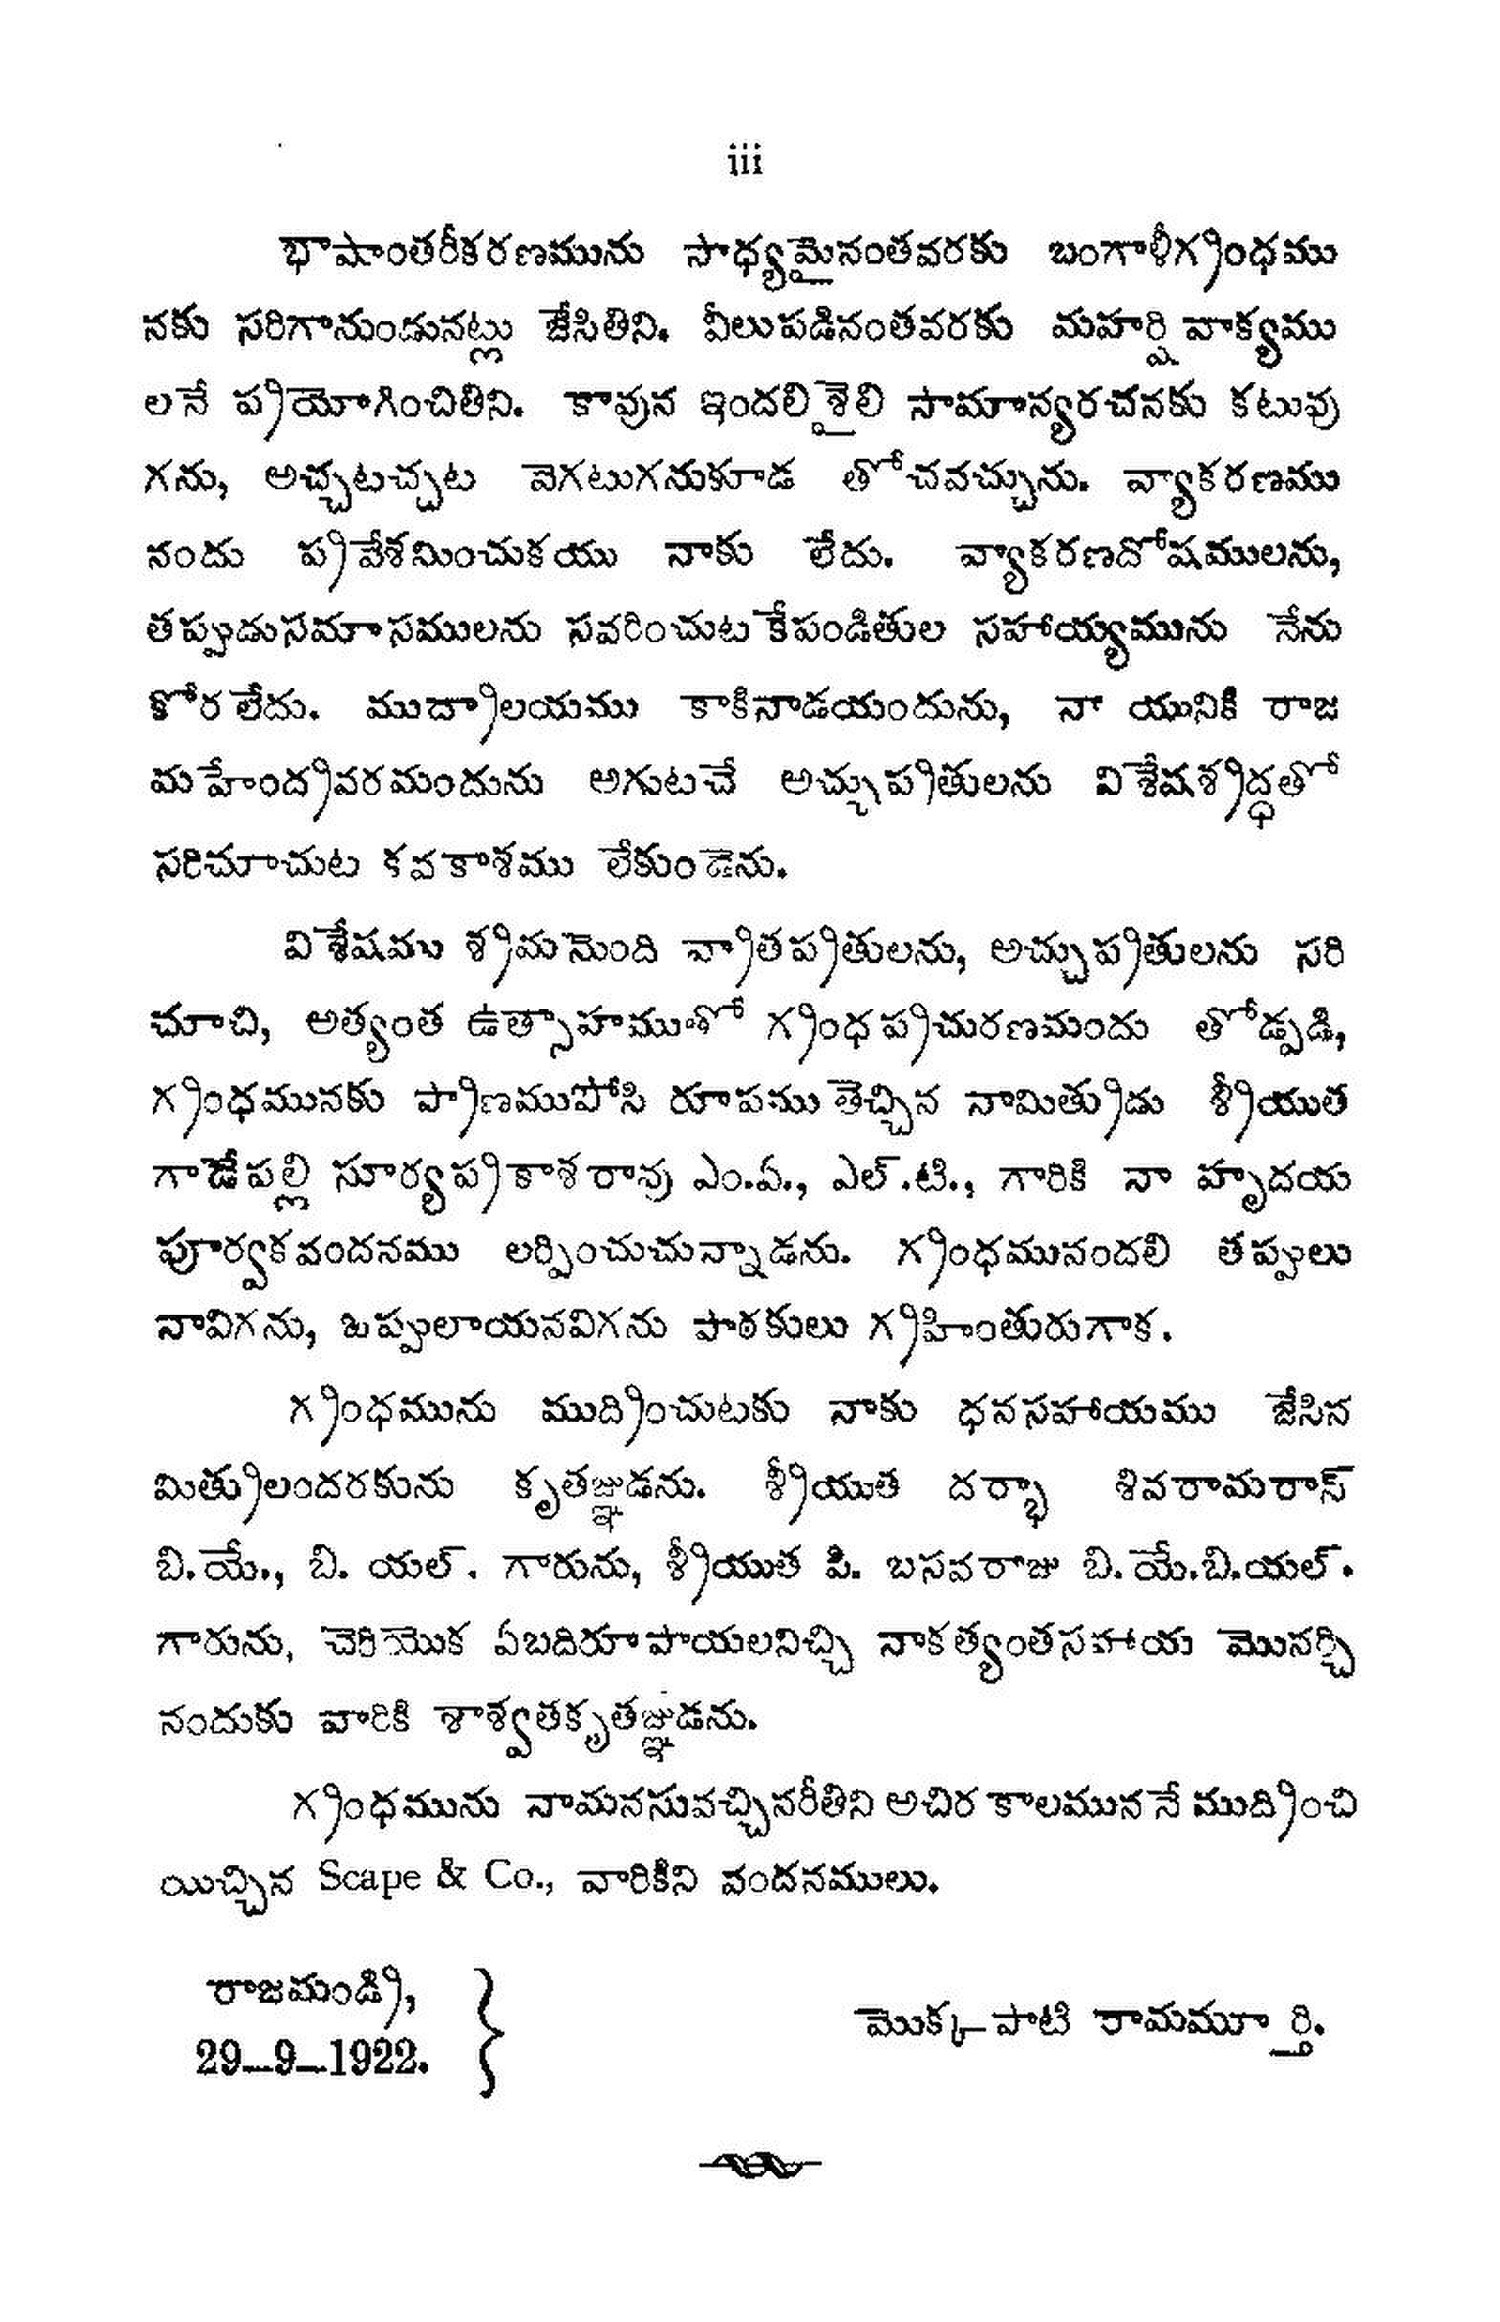భాషాంతరీకరణమును సాధ్యమైనంతవరకు బంగాళీ గ్రంధమునకు సరిగా నుండునట్లు జేసితిని. వీలుపడినంతవరకు మహర్షి వాక్యములనే ప్రయోగించితిని. కావున ఇందలి శైలి సామాన్యరచనకు కటువుగను, అచ్చటచ్చట వెగటుగను కూడ తోచవచ్చును. వ్యాకరణము నందు ప్రవేశమించుకయు నాకు లేదు. వ్యాకరణ దోషములను, తప్పుడు సమాసములను సవరించుట కేపండితుల సహాయ్యమును నేను కోర లేదు. ముద్రాలయము కాకినాడయందును, నాయునికి రాజుమహేందవరమందును అగుటచే అచ్చు ప్రతులను విశేషశ్రద్దతో సరిచూచుట కవకాశము లేకుండెను.

విశేషముశ్రమనంది వాతప్రతులను, అచ్చుప్రతులను సరిచూచి, అత్యంత ఉత్సాహముతో గ్రంధ ప్రచురణమందు తోడ్పడి, గ్రంధమునకు ప్రాణముపోసి రూపము తెచ్చిన నామిత్రుడు శ్రీయుత గాడేపల్లి సూర్యప్రకాశ రావు ఎం.ఏ., ఎల్.టి., గారికి నా హృదయ పూర్వక వందనము లర్పించుచున్నాడను. గంధమునందలి తప్పులు నావిగను, ఒప్పులాయనవిగను పొఠకులు గ్రహింతురుగాక.

గంధమును ముద్రించుటకు నాకు ధన సహాయము జేసిన మిత్రులందరకును కృతజ్ఞుడను. శ్రీయుత దర్భా శివరామరాస్ బి.యె., బి. యల్, గారును, శ్రీయుత పి. బసవరాజు బి. యే. బి.యల్ . గారును, చెరి యొక ఏబదిరూపాయలనిచ్చి నాకత్యంత సహాయ మొనర్చి నందుకు వారికి శాశ్వత కృతజ్ఞుడను.

గ్రంధమును నామనసువచ్చినరీతిని అచిర కాలముననే ముద్రించి యిచ్చిన Scape & Co., వారికిని వందనములు. 

రాజమండ్రి, , 29-9-1922.